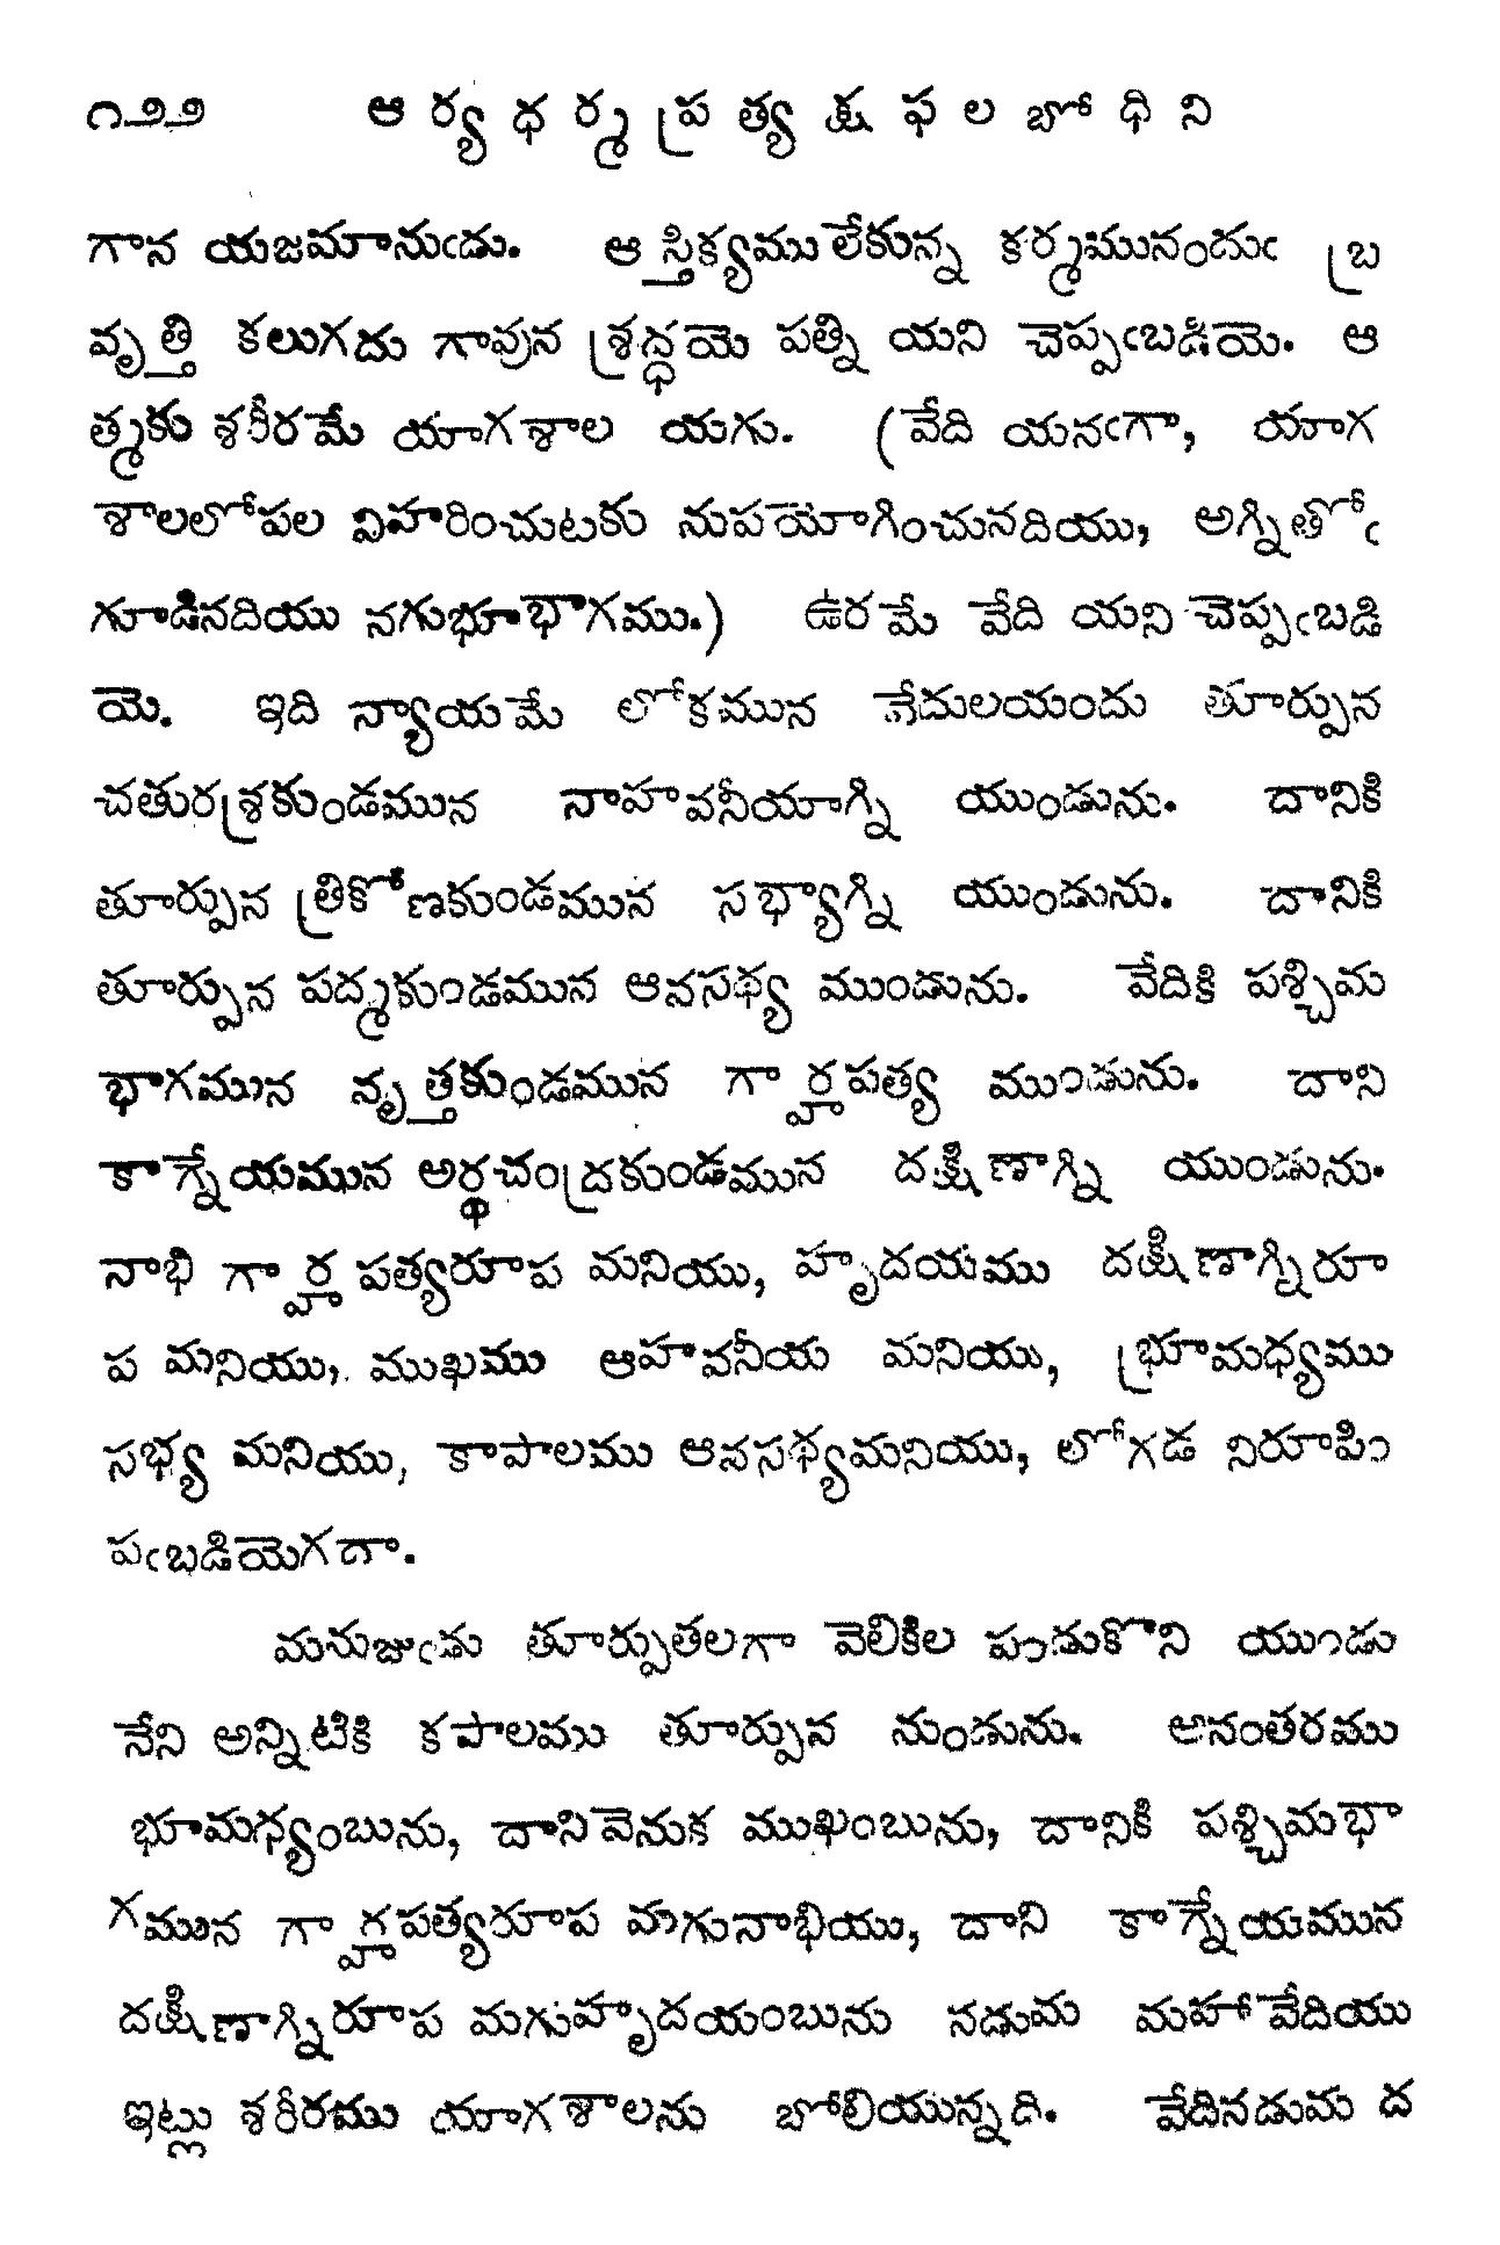గాన యజమానుఁడు. ఆస్తిక్యములేకున్న కర్మమునందుఁ బ్రవృత్తి కలుగదు గావున శ్రద్ధయె పత్ని యని చెప్పఁబడియె. ఆత్మకు శరీరమే యాగశాల యగు. (వేది యనఁగా, యాగశాలలోపల విహరించుటకు నుపయోగించునదియు, అగ్నితోఁగూడినదియు నగుభూభాగము.) ఉరమే వేది యని చెప్పఁబడియె. ఇది న్యాయమే లోకమున వేదులయందు తూర్పున చతురశ్రకుండమున నాహవనీయాగ్ని యుండును. దానికి
తూర్పున త్రికోణకుండమున సభ్యాగ్ని యుండును. దానికి తూర్పున పద్మకుండమున ఆవసథ్య ముండును. వేదికి పశ్చిమభాగమున వృత్తకుండమున గార్హపత్య ముండును. దాని కాగ్నేయమున అర్థచంద్రకుండమున దక్షిణాగ్ని యుండును. నాభి గార్హపత్యరూప మనియు, హృదయము దక్షిణాగ్నిరూప మనియు, ముఖము ఆహవనీయ మనియు, భ్రూమధ్యము సభ్య మనియు, కాపాలము ఆవసథ్యమనియు, లోగడ నిరూపిపఁబడియెగదా.

మనుజుఁడు తూర్పుతలగా వెలికిల పండుకొని యుండు నేని అన్నిటికి కపాలము తూర్పున నుండును. అనంతరము భూమధ్యంబును, దానివెనుక ముఖంబును, దానికి పశ్చిమభాగమున గార్హపత్యరూప మగునాభియు, దాని కాగ్నేయమున దక్షిణాగ్నిరూప మగుహృదయంబును నడుమ మహావేదియు ఇట్లు శరీరము యాగశాలను బోలియున్నది. వేదినడుమ ద